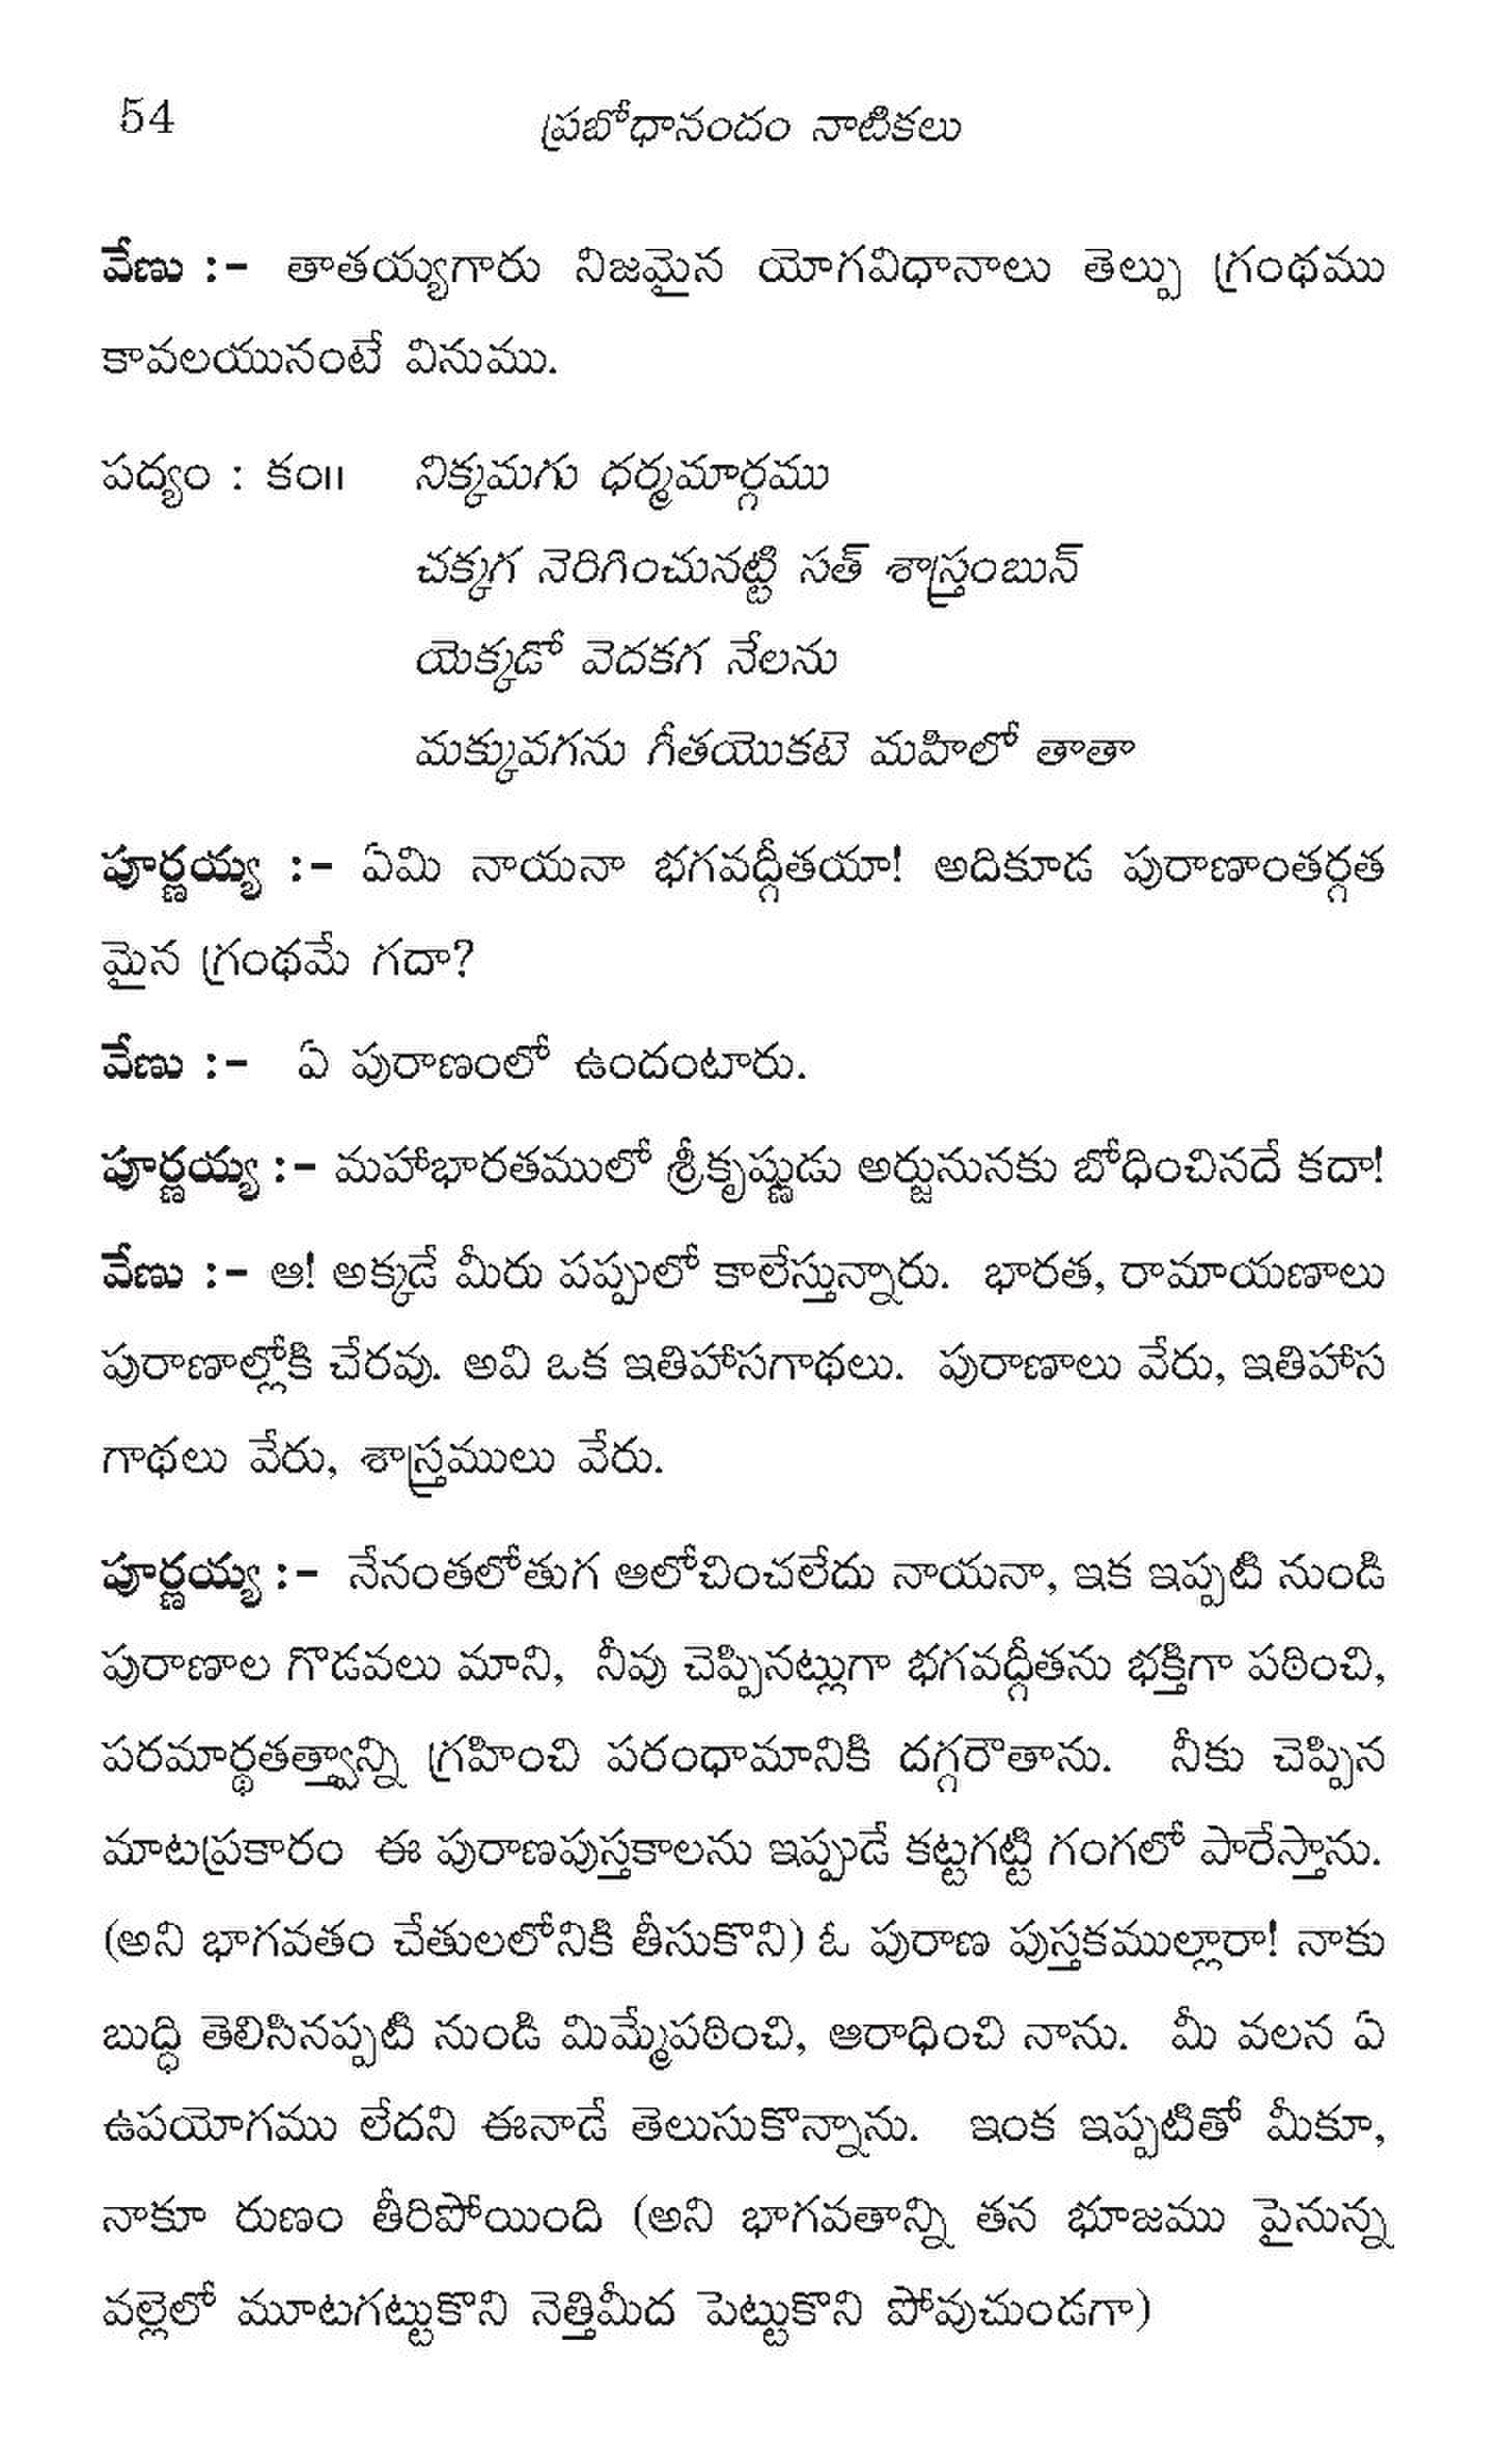వేణు :-	 తాతయ్యగారు నిజమైన యోగవిధానాలు తెల్పు గ్రంథము కావలయునంటే వినుము.

పూర్ణయ్య :- ఏమి నాయనా భగవద్గీతయా! అదికూడ పురాణాంతర్గత మైన గ్రంథమే గదా?

వేణు :-	 ఏ పురాణంలో ఉందంటారు.

పూర్ణయ్య :- మహాభారతములో శ్రీకృష్ణుడు అర్జునునకు బోధించినదే కదా!

వేణు :-	 ఆ! అక్కడే మీరు పప్పులో కాలేస్తున్నారు. భారత, రామాయణాలు పురాణాల్లోకి చేరవు. అవి ఒక ఇతిహాసగాథలు. పురాణాలు వేరు, ఇతిహాస గాథలు వేరు, శాస్త్రములు వేరు.

పూర్ణయ్య :- నేనంతలోతుగ ఆలోచించలేదు నాయనా, ఇక ఇప్పటి నుండి పురాణాల గొడవలు మాని, నీవు చెప్పినట్లుగా భగవద్గీతను భక్తిగా పఠించి, పరమార్థతత్త్వాన్ని గ్రహించి పరంధామానికి దగ్గరౌతాను. నీకు చెప్పిన మాటప్రకారం ఈ పురాణపుస్తకాలను ఇప్పుడే కట్టగట్టి గంగలో పారేస్తాను. (అని భాగవతం చేతులలోనికి తీసుకొని) ఓ పురాణ పుస్తకముల్లారా! నాకు బుద్ధి తెలిసినప్పటి నుండి మిమ్మేపఠించి, ఆరాధించి నాను. మీ వలన ఏ ఉపయోగము లేదని ఈనాడే తెలుసుకొన్నాను. ఇంక ఇప్పటితో మీకూ, నాకూ రుణం తీరిపోయింది (అని భాగవతాన్ని తన భూజము పైనున్న వల్లెలో మూటగట్టుకొని నెత్తిమీద పెట్టుకొని పోవుచుండగా)